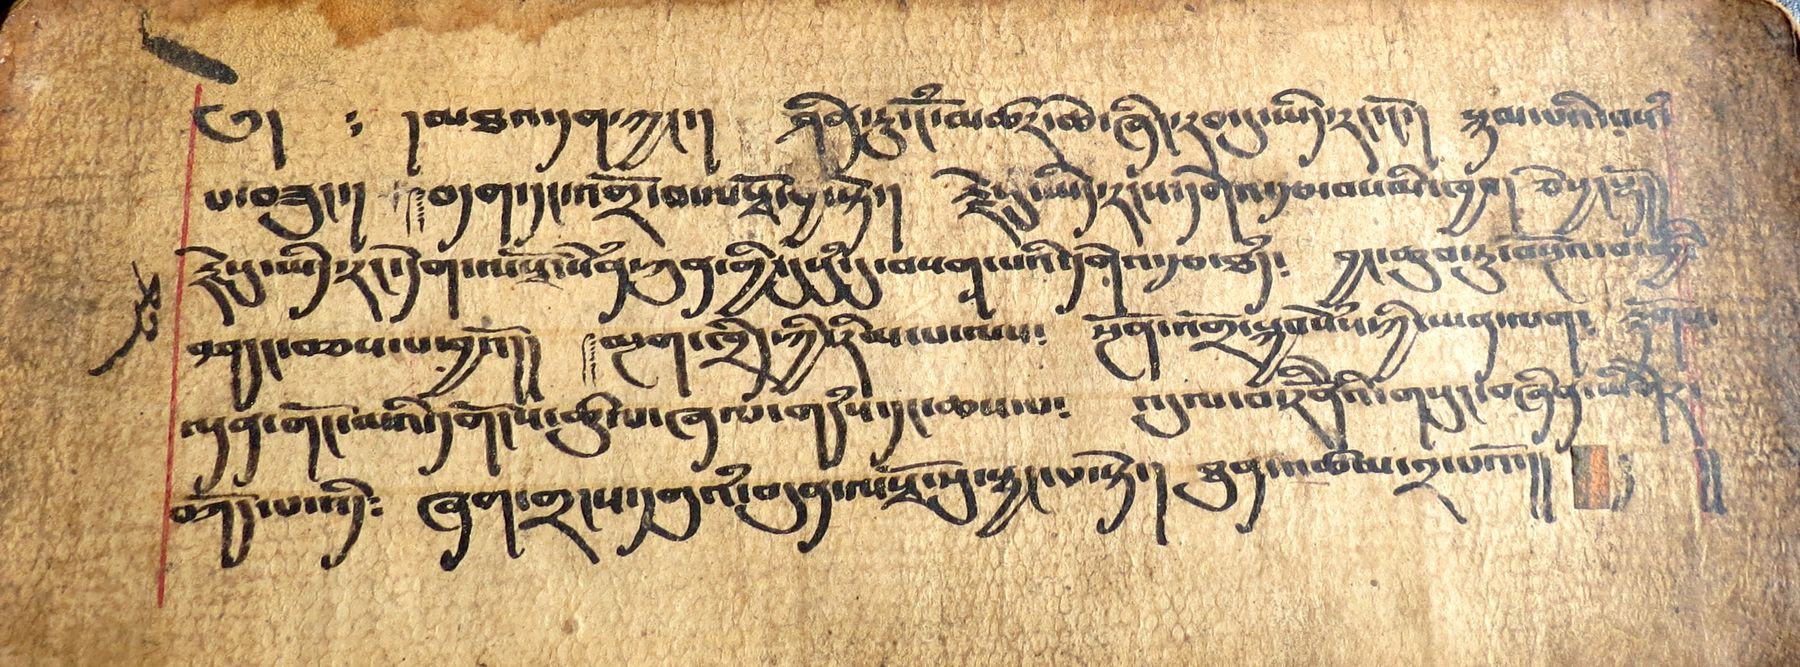མཐའ་དག་ཀྱང་། ཤིན་ཏུ་ངོ་མཚར་ཆེ་ཞིང་རབ་ཏུ་ཡིད་རང་ངོ་། སྙམས་པའི་བསམ་
པ་བཟུང་། བདག་དང་འགྲོ་བ་ལ་སོགས་བྱ་སྟེ། རྗེས་སུ་ཡིད་རང་དགེ་རྩ་བསམ་མི་ཁྱབ། ཅེས་གསུངས་སོ། 
རྗེས་སུ་དགེ་བ་དེ་དག་ལ་སོགས་སེམས་ཅན་ཀུན་གྱི་དུས་གསུམ་དུ་བསགས་པའི་དགེ་རྩ་ཐམས་ཅད། བྱང་ཆུབ་ཏུ་བསྔོ་བའི་ཚིག་
བཤད་དང་ཆས་པ་བྱའོ། ། མན་ངག་ཁྲིད་ཀྱི་རིམ་པ་ལས། སྔོན་འགྲོ་སྐྱབས་སེམས་ཀྱི་ཡན་ལག རྟོགས་
ལྡན་གོང་མའི་དགོངས་ཚུལ་ཞལ་གདམས་དང་ཆས་པ། འདུལ་བ་རིན་པོ་ཆེའི་གསུང་བཞིན་ཡི་གེར་
བཀོད་པ་འདི། ཞག་གྲངས་དགུའམ་བདུན་ལ་སོགས་སུ་སྦྱང་བ་སྟེ་ཐུན་མཚམས་གཉིས་པའོ། །